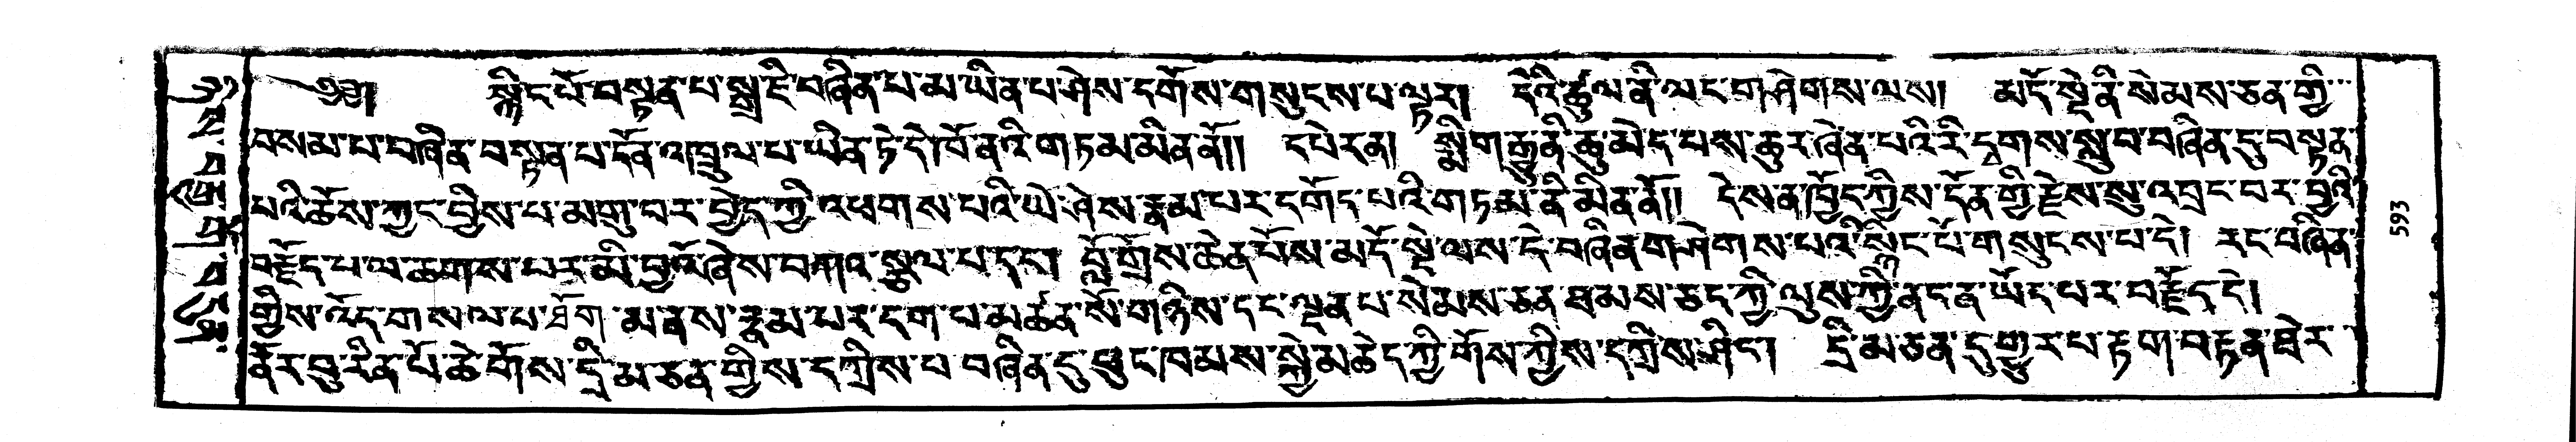༄༅། །སྙིང་པོ་བསྟན་པ་སྒྲ་ཇི་བཞིན་པ་མ་ཡིན་པ་ཤེས་དགོས་གསུངས་པ་ལྟར། དེའི་ཚུལ་ནི་ལང་གཤེགས་ལས། མདོ་སྡེ་ནི་སེམས་ཅན་གྱི་
བསམ་པ་བཞིན་བསྟན་པ་དོན་འཁྲུལ་པ་ཡིན་ཏེ་དེ་ཁོ་ནའི་གཏམ་མིན་ནོ། །དཔེར་ན། སྨིག་རྒྱུ་ནི་ཆུ་མེད་པས་ཆུར་ཞེན་པའི་རི་དྭགས་སླུ་བ་བཞིན་དུ་བསྟན་
པའི་ཆོས་ཀྱང་བྱིས་པ་མགུ་བར་བྱེད་ཀྱི་འཕགས་པའི་ཡེ་ཤེས་རྣམ་པར་དགོད་པའི་གཏམ་ནི་མིན་ནོ། །དེས་ན་ཁྱོད་ཀྱིས་དོན་གྱི་རྗེས་སུ་འབྲང་བར་བྱའི་
བརྗོད་པ་ལ་ཆགས་པར་མི་བྱའོ་ཞེས་བཀའ་སྩལ་པ་དང་། བློ་གྲོས་ཆེན་པོས་མདོ་སྡེ་ལས་དེ་བཞིན་གཤེགས་པའི་སྙིང་པོ་གསུངས་པ་དེ། རང་བཞིན་
གྱིས་འོད་གསལ་པ་ཐོག་མ་ནས་རྣམ་པར་དག་པ་མཚན་སོ་གཉིས་དང་ལྡན་པ་སེམས་ཅན་ཐམས་ཅད་ཀྱི་ལུས་ཀྱི་ནང་ན་ཡོད་པར་བརྗོད་དེ།
ནོར་བུ་རིན་པོ་ཆེ་གོས་དྲི་མ་ཅན་གྱིས་དཀྲིས་པ་བཞིན་དུ་ཕུང་ཁམས་སྐྱེ་མཆེད་ཀྱི་གོས་ཀྱིས་དཀྲིས་ཤིང་། དྲི་མ་ཅན་དུ་གྱུར་པ་རྟག་བརྟན་ཐེར་